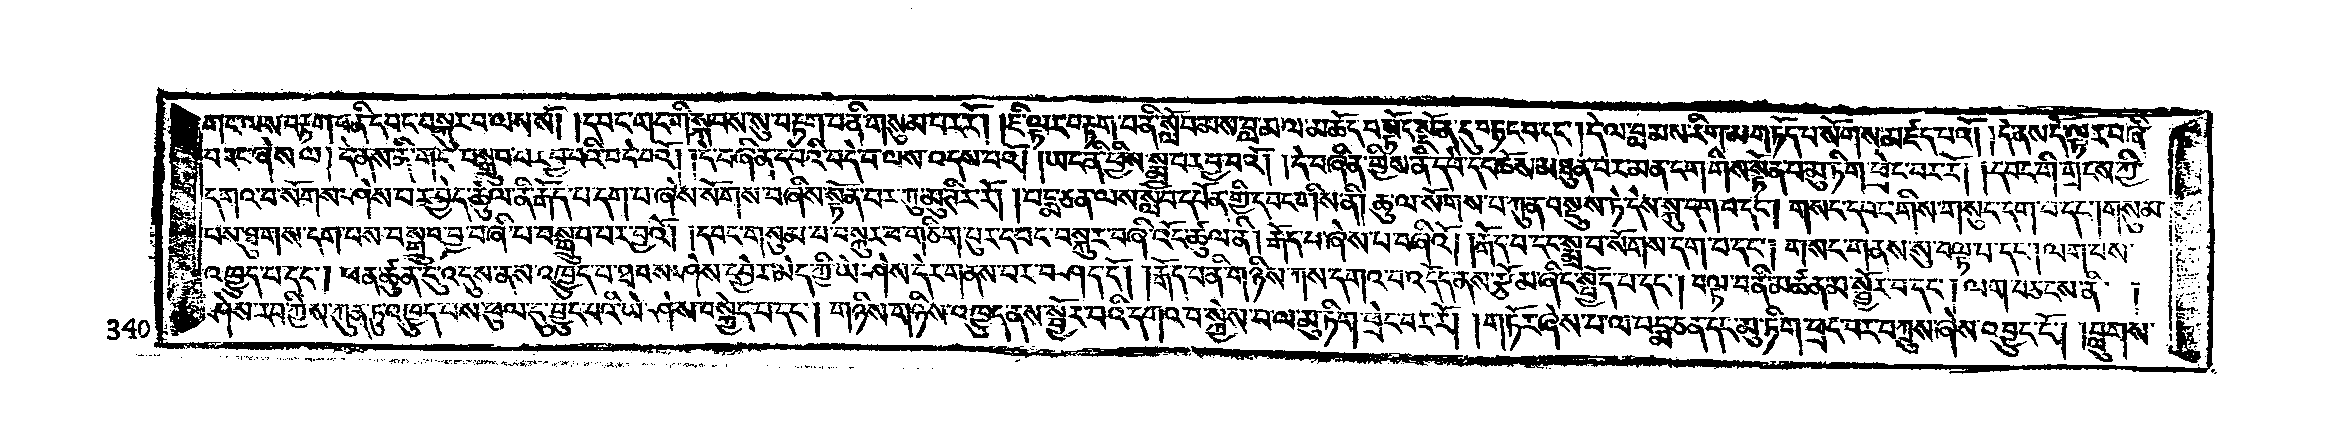གང་ལས་བརྟག་པ་ནི་དབང་བསྐུར་བ་ལས་སོ། །དབང་གང་གི་སྐབས་སུ་བརྟག་པ་ནི་གསུམ་པར་རོ། །ཇི་ལྟར་བརྟག་པ་ནི་སློབ་མས་བླ་མ་ལ་མཆོད་བསྟོད་སྔོན་དུ་བཏང་བ་དང་། དེ་ལ་བླ་མས་རིག་མ་གཏོད་པ་སོགས་མཛད་པའོ། །དེ་ནས་དོ་ལྟར་བཞི་
པའང་ཞེས་ལ། དེ་ནས་ནི་གང་བསྒྲུབ་པར་བྱ་བའི་བདེ་བའོ། །དེ་བཞིན་དཔེའི་བདེ་བ་ལས་འདས་པའོ། །ཡང་ནི་ཕྱིས་སྨྲ་པར་བྱ་བའོ། །དེ་བཞིན་གྱིས་ནི་དཔེ་དང་ཆོས་མཐུན་པར་མན་ངག་གིས་སྟོན་པ་མུ་ཏིག་ཕྲེང་བར་རོ། །དབང་གི་གྲངས་ཀྱི་
དགའ་བ་སོགས་ཤེས་པར་བྱེད་ཚུལ་ནི་རྒོད་པ་དག་པ་ཞེས་སོགས་བཞིས་སྟོན་པར་ཀུ་མུ་ཊིར་རོ། །པདམ་ཅན་ལས་སློབ་དཔོན་གྱི་དབང་གིས་ནི། ཆུ་ལ་སོགས་པ་ཀུན་བསྡུས་ཏེ་དེས་སྐུ་དག་པ་དང་། གསང་དབང་གིས་གསུང་དག་པ་དང་། གསུམ་
པས་ཐུགས་དག་པས་བསྒྲུབ་བྱ་བ་བཞི་པ་བསྒྲུབ་པར་བྱའོ། །དབང་གསུམ་པ་བསྐུར་བ་གཅིག་པུར་དབང་བསྐུར་བཞི་འོང་ཚུལ་ནི། རྒོད་པ་ཞེས་པ་བཞིའོ། །རྒོད་པ་དང་སྨྲ་བ་སོགས་དག་པ་དང་། གསང་གནས་སུ་བལྟ་བ་དང་། ལག་པས་
འཁྱུད་པ་དང་། ཕན་ཚུན་དུ་འདུས་ནས་འཁྱུད་པ་ཐབས་ཤེས་དབྱེར་མེད་ཀྱི་ཡེ་ཤེས་དེར་གནས་པར་བཤད་དོ། །རྒོད་པ་ནི་གཉིས་ཀས་དགའ་བ་འདོད་ནས་རྩོམ་ཞིང་སྤྱོད་པ་དང་། བལྟ་བ་ནི་མཚན་མ་སྦྱོར་བ་དང་། ལག་བཅངས་ནི།
ཤེས་རབ་ཀྱིས་ཀུན་ཏུ་འཁྱུད་པས་ཕུལ་དུ་བྱུང་བའི་ཡེ་ཤེས་བསྐྱེད་པ་དང་། གཉིས་གཉིས་འཁྱུད་ནས་སྦྱོར་པའི་དགའ་བ་སྐྱེས་པ་ལ་མུ་ཏིག་ཕྲེང་བར་རོ། །གཏོར་ཞེས་པ་ལ་པདམ་ཅན་དང་མུ་ཏིག་ཕྲེང་བར་བཀྲུས་ཞེས་འབྱུང་ངོ། །བླུགས་